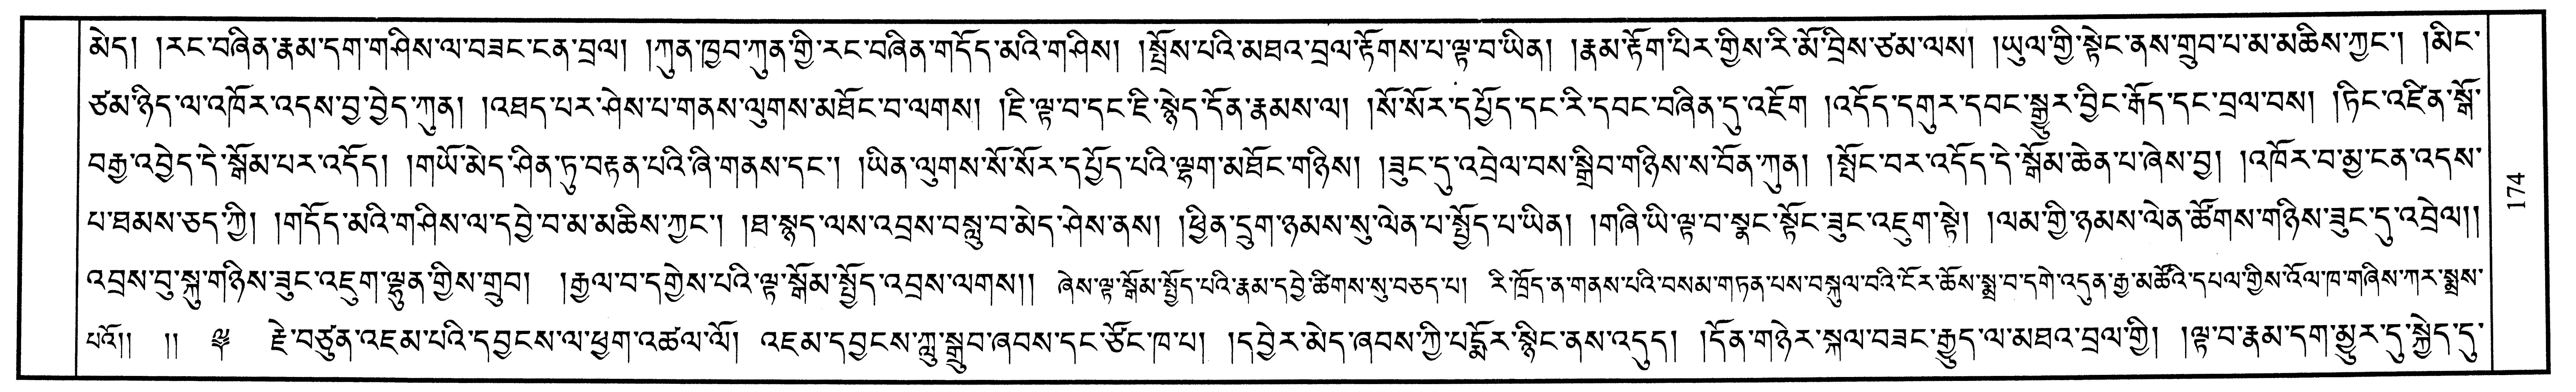མེད། །རང་བཞིན་རྣམ་དག་གཤིས་ལ་བཟང་ངན་བྲལ། །ཀུན་ཁྱབ་ཀུན་གྱི་རང་བཞིན་གདོད་མའི་གཤིས། །སྤྲོས་པའི་མཐའ་བྲལ་རྟོགས་པ་ལྟ་བ་ཡིན། །རྣམ་རྟོག་པིར་གྱིས་རི་མོ་བྲིས་ཙམ་ལས། །ཡུལ་གྱི་སྟེང་ནས་གྲུབ་པ་མ་མཆིས་ཀྱང་། །མིང་
ཙམ་ཉིད་ལ་འཁོར་འདས་བྱ་བྱེད་ཀུན། །འཐད་པར་ཤེས་པ་གནས་ལུགས་མཐོང་བ་ལགས། །ཇི་ལྟ་བ་དང་ཇི་སྙེད་དོན་རྣམས་ལ། །སོ་སོར་དཔྱོད་དང་རི་དབང་བཞིན་དུ་འཇོག །འདོད་དགུར་དབང་སྒྱུར་བྱིང་རྒོད་དང་བྲལ་བས། །ཏིང་འཛིན་སྒོ་
བརྒྱ་འབྱེད་དེ་སྒོམ་པར་འདོད། །གཡོ་མེད་ཤིན་ཏུ་བརྟན་པའི་ཞི་གནས་དང་། །ཡིན་ལུགས་སོ་སོར་དཔྱོད་པའི་ལྷག་མཐོང་གཉིས། །ཟུང་དུ་འབྲེལ་བས་སྒྲིབ་གཉིས་ས་བོན་ཀུན། །སྤོང་བར་འདོད་དེ་སྒོམ་ཆེན་པ་ཞེས་བྱ། །འཁོར་བ་མྱ་ངན་འདས་
པ་ཐམས་ཅད་ཀྱི། །གདོད་མའི་གཤིས་ལ་དབྱེ་བ་མ་མཆིས་ཀྱང་། །ཐ་སྙད་ལས་འབྲས་བསླུ་བ་མེད་ཤེས་ནས། །ཕྱིན་དྲུག་ཉམས་སུ་ལེན་པ་སྤྱོད་པ་ཡིན། །གཞི་ཡི་ལྟ་བ་སྣང་སྟོང་ཟུང་འཇུག་སྟེ། །ལམ་གྱི་ཉམས་ལེན་ཚོགས་གཉིས་ཟུང་དུ་འབྲེལ།།
འབྲས་བུ་སྐུ་གཉིས་ཟུང་འཇུག་ལྷུན་གྱིས་གྲུབ། །རྒྱལ་བ་དགྱེས་པའི་ལྟ་སྒོམ་སྤྱོད་འབྲས་ལགས།། ཞེས་ལྟ་སྒོམ་སྤྱོད་པའི་རྣམ་དབྱེ་ཚིགས་སུ་བཅད་པ། རི་ཁྲོད་ན་གནས་པའི་བསམ་གཏན་པས་བསྐུལ་བའི་ངོར་ཆོས་སྨྲ་བ་དགེ་འདུན་རྒྱ་མཚོའི་དཔལ་གྱིས་འོལ་ཁ་གཞིས་ཀར་སྨྲས་
པའོ།། །། ༈ རྗེ་བཙུན་འཇམ་པའི་དབྱངས་ལ་ཕྱག་འཚལ་ལོ། འཇམ་དབྱངས་ཀླུ་སྒྲུབ་ཞབས་དང་ཙོང་ཁ་པ། །དབྱེར་མེད་ཞབས་ཀྱི་པདམོར་སྙིང་ནས་འདུད། །དོན་གཉེར་སྐལ་བཟང་རྒྱུད་ལ་མཐའ་བྲལ་གྱི། །ལྟ་བ་རྣམ་དག་མྱུར་དུ་སྐྱེད་དུ་